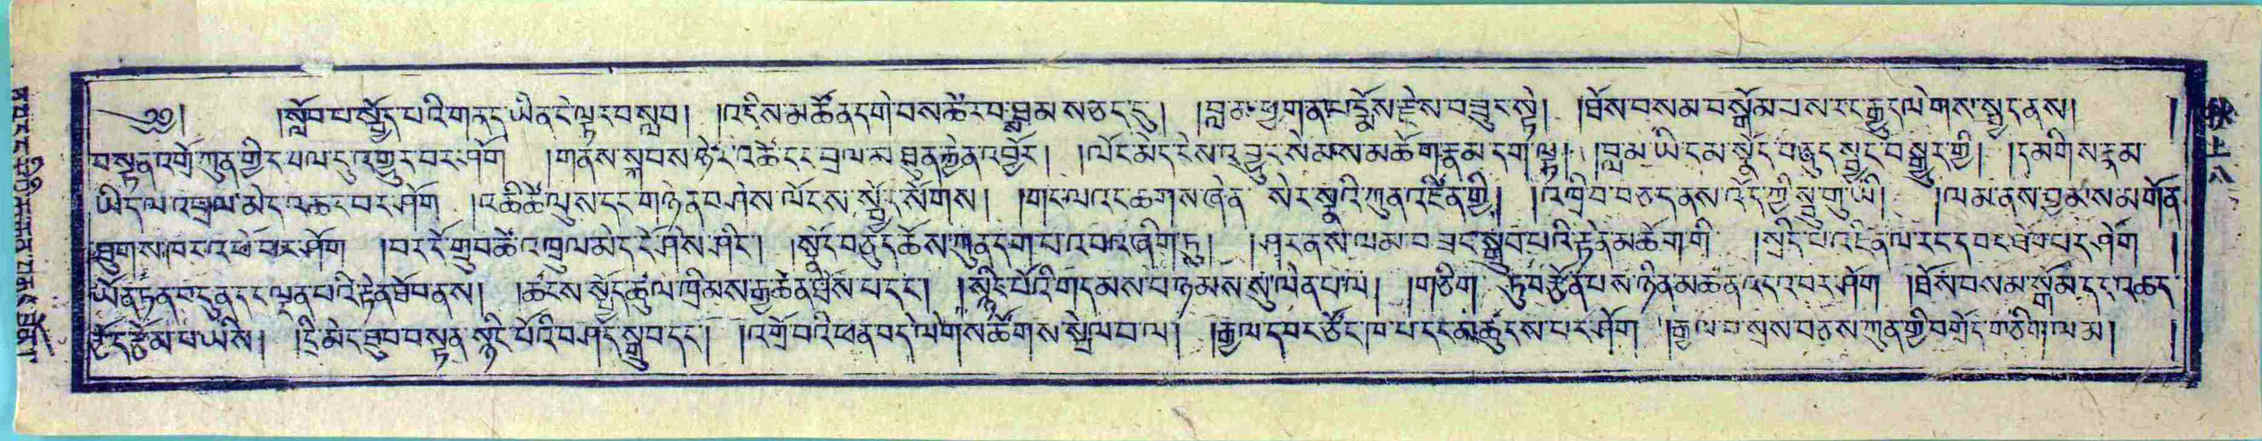།སློབ་པ་སྤྱོད་པའི་གནད་ཡིན་དེ་ལྟར་བསླབ། །འདིས་མཚོན་དགེ་བས་ཚེ་རབས་ཐམས་ཅད་དུ། །བླ་མ་ཕྱག་ན་པདམོས་རྗེས་བཟུང་སྟེ། །ཐོས་བསམ་བསྒོམ་པས་རང་རྒྱུད་ལེགས་སྤྱང་ནས། །བསྟན་འགྲོ་
ཀུན་གྱི་དཔལ་དུ་འགྱུར་བར་ཤོག །གནས་སྐབས་ཉེར་འཚེ་དང་བྲལ་མཐུན་རྐྱེན་འབྱོར། །ལོང་མེད་ངེས་འབྱུང་སེམས་མཆོག་རྣམ་དག་ལྟ། །བླ་མ་ཡི་དམ་སྣོད་བཅུད་སྦྱང་བསྒྱུར་གྱི། །དམིགས་རྣམ་ཡིད་ལ་འབྲལ་མེད་འཆར་བར་ཤོག །
འཆི་ཚེ་ལུས་དང་གཉེན་བཤེས་ལོངས་སྤྱོད་སོགས། །གང་ལའང་ཆགས་ཞེན་སེར་སྣའི་ཀུན་འཛིན་གྱི། །འཁྲི་བ་བཅད་ནས་འོད་ཀྱི་སྦུ་གུ་ཡི། །ལམ་ནས་བྱམས་མགོན་ཐུགས་ཁར་འཕོ་བར་ཤོག །བར་དོ་གྲུབ་ཚེ་འཁྲུལ་མེད་ངོ་ཤེས་ཤིང༑ ༑སྣོད་བཅུད་ཆོས་ཀུན་དག་པ་འབའ་ཞིག་ཏུ། །ཤར་ནས་ལམ་བཟང་སྒྲུབ་བའི་རྟེན་མཆོག་གི །སྲིད་པ་འཛིན་ལ་རང་དབང་ཐོབ་པར་ཤོག །ཡོན་ཏན་བདུན་དང་ལྡན་པའི་རྟེན་ཐོབ་ནས། །ཚངས་སྤྱོད་ཚུལ་ཁྲིམས་རྒྱ་ཆེན་ཐོས་པ་
དང༑ ༑སྙིང་པོའི་གདམས་བ་ཉམས་སུ་ལེན་པ་ལ། །གཅིག་ཏུ་བརྩོན་པས་ཉིན་མཚན་འདའ་བར་ཤོག །ཐོས་བསམ་སྒོམ་དང་འཆད་རྩོད་རྩོམ་པ་ཡིས། །དྲི་མེད་ཐུབ་བསྟན་སྙིང་པོའི་བཤད་སྒྲུབ་དང་། །འགྲོ་བའི་ཕན་བདེ་ལེགས་
ཚོགས་སྤེལ་བ་ལ། །རྒྱལ་དབང་ཙོང་ཁ་པ་དང་མཚུངས་པར་ཤོག །རྒྱལ་བ་སྲས་བཅས་ཀུན་གྱི་བགྲོད་གཅིག་ལམ།